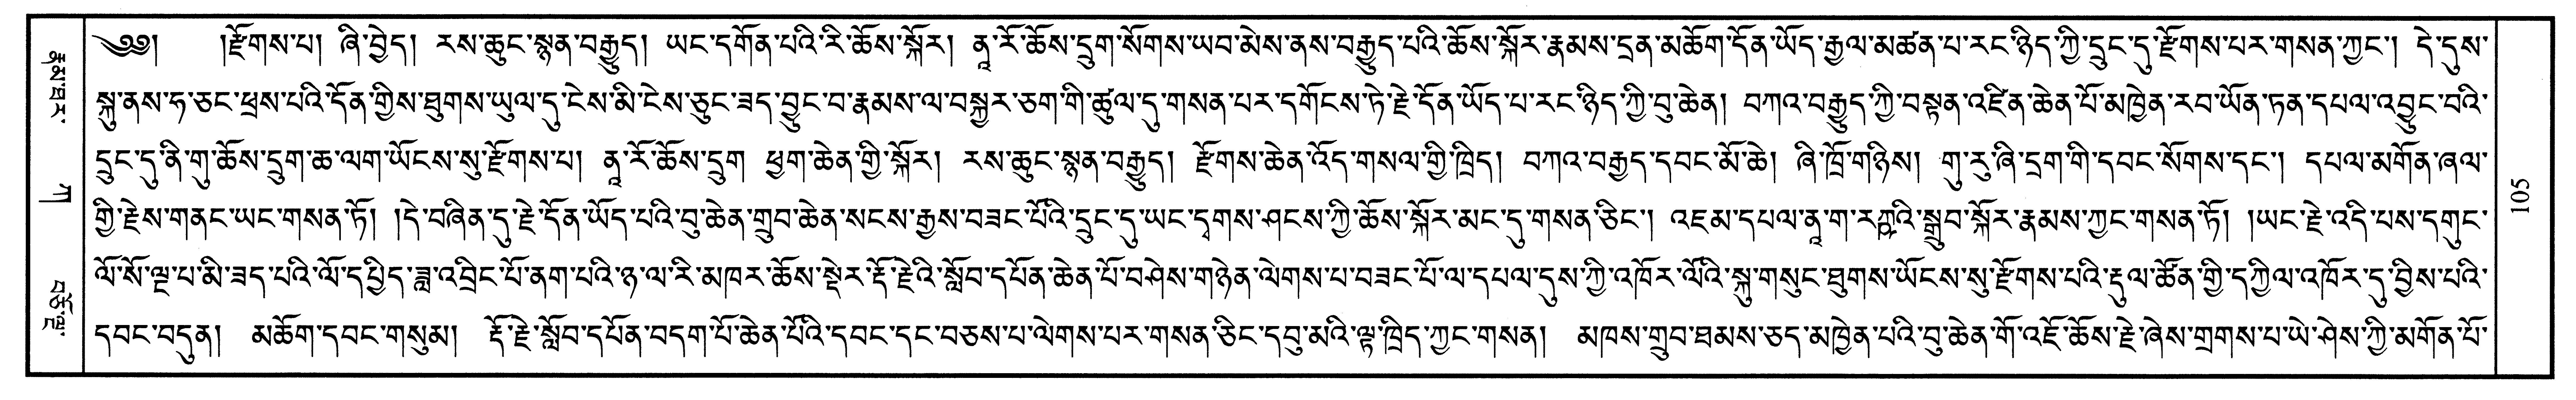༄༅། །རྫོགས་པ། ཞི་བྱེད། རས་ཆུང་སྙན་བརྒྱུད། ཡང་དགོན་པའི་རི་ཆོས་སྐོར། ནཱ་རོ་ཆོས་དྲུག་སོགས་ཡབ་མེས་ནས་བརྒྱུད་པའི་ཆོས་སྐོར་རྣམས་དྲན་མཆོག་དོན་ཡོད་རྒྱལ་མཚན་པ་རང་ཉིད་ཀྱི་དྲུང་དུ་རྫོགས་པར་གསན་ཀྱང་། དེ་དུས་
སྐུ་ནས་ཧ་ཅང་ཕྲས་པའི་དོན་གྱིས་ཐུགས་ཡུལ་དུ་ངེས་མི་ངེས་ཅུང་ཟད་བྱུང་བ་རྣམས་ལ་བསྐྱར་ཅག་གི་ཚུལ་དུ་གསན་པར་དགོངས་ཏེ་རྗེ་དོན་ཡོད་པ་རང་ཉིད་ཀྱི་བུ་ཆེན། བཀའ་བརྒྱུད་ཀྱི་བསྟན་འཛིན་ཆེན་པོ་མཁྱེན་རབ་ཡོན་ཏན་དཔལ་འབྱུང་བའི་
དྲུང་དུ་ནི་གུ་ཆོས་དྲུག་ཆ་ལག་ཡོངས་སུ་རྫོགས་པ། ནཱ་རོ་ཆོས་དྲུག །ཕྱག་ཆེན་གྱི་སྐོར། རས་ཆུང་སྙན་བརྒྱུད། རྫོགས་ཆེན་འོད་གསལ་གྱི་ཁྲིད། བཀའ་བརྒྱད་དབང་མོ་ཆེ། ཞི་ཁྲོ་གཉིས། གུ་རུ་ཞི་དྲག་གི་དབང་སོགས་དང་། དཔལ་མགོན་ཞལ་
གྱི་རྗེས་གནང་ཡང་གསན་ཏོ། །དེ་བཞིན་དུ་རྗེ་དོན་ཡོད་པའི་བུ་ཆེན་གྲུབ་ཆེན་སངས་རྒྱས་བཟང་པོའི་དྲུང་དུ་ཡང་དྭགས་ཤངས་ཀྱི་ཆོས་སྐོར་མང་དུ་གསན་ཅིང་། འཇམ་དཔལ་ནཱ་ག་རཀྵའི་སྒྲུབ་སྐོར་རྣམས་ཀྱང་གསན་ཏོ། ཡང་རྗེ་འདི་པས་དགུང་
ལོ་སོ་ལྔ་པ་མི་ཟད་པའི་ལོ་དཔྱིད་ཟླ་འབྲིང་པོ་ནག་པའི་ཉ་ལ་རི་མཁར་ཆོས་སྡེར་རྡོ་རྗེའི་སློབ་དཔོན་ཆེན་པོ་བཤེས་གཉེན་ལེགས་པ་བཟང་པོ་ལ་དཔལ་དུས་ཀྱི་འཁོར་ལོའི་སྐུ་གསུང་ཐུགས་ཡོངས་སུ་རྫོགས་པའི་རྡུལ་ཚོན་གྱི་དཀྱིལ་འཁོར་དུ་བྱིས་པའི་
དབང་བདུན། མཆོག་དབང་གསུམ། རྡོ་རྗེ་སློབ་དཔོན་བདག་པོ་ཆེན་པོའི་དབང་དང་བཅས་པ་ལེགས་པར་གསན་ཅིང་དབུ་མའི་ལྟ་ཁྲིད་ཀྱང་གསན། མཁས་གྲུབ་ཐམས་ཅད་མཁྱེན་པའི་བུ་ཆེན་གོ་འཇོ་ཆོས་རྗེ་ཞེས་གྲགས་པ་ཡེ་ཤེས་ཀྱི་མགོན་པོ་